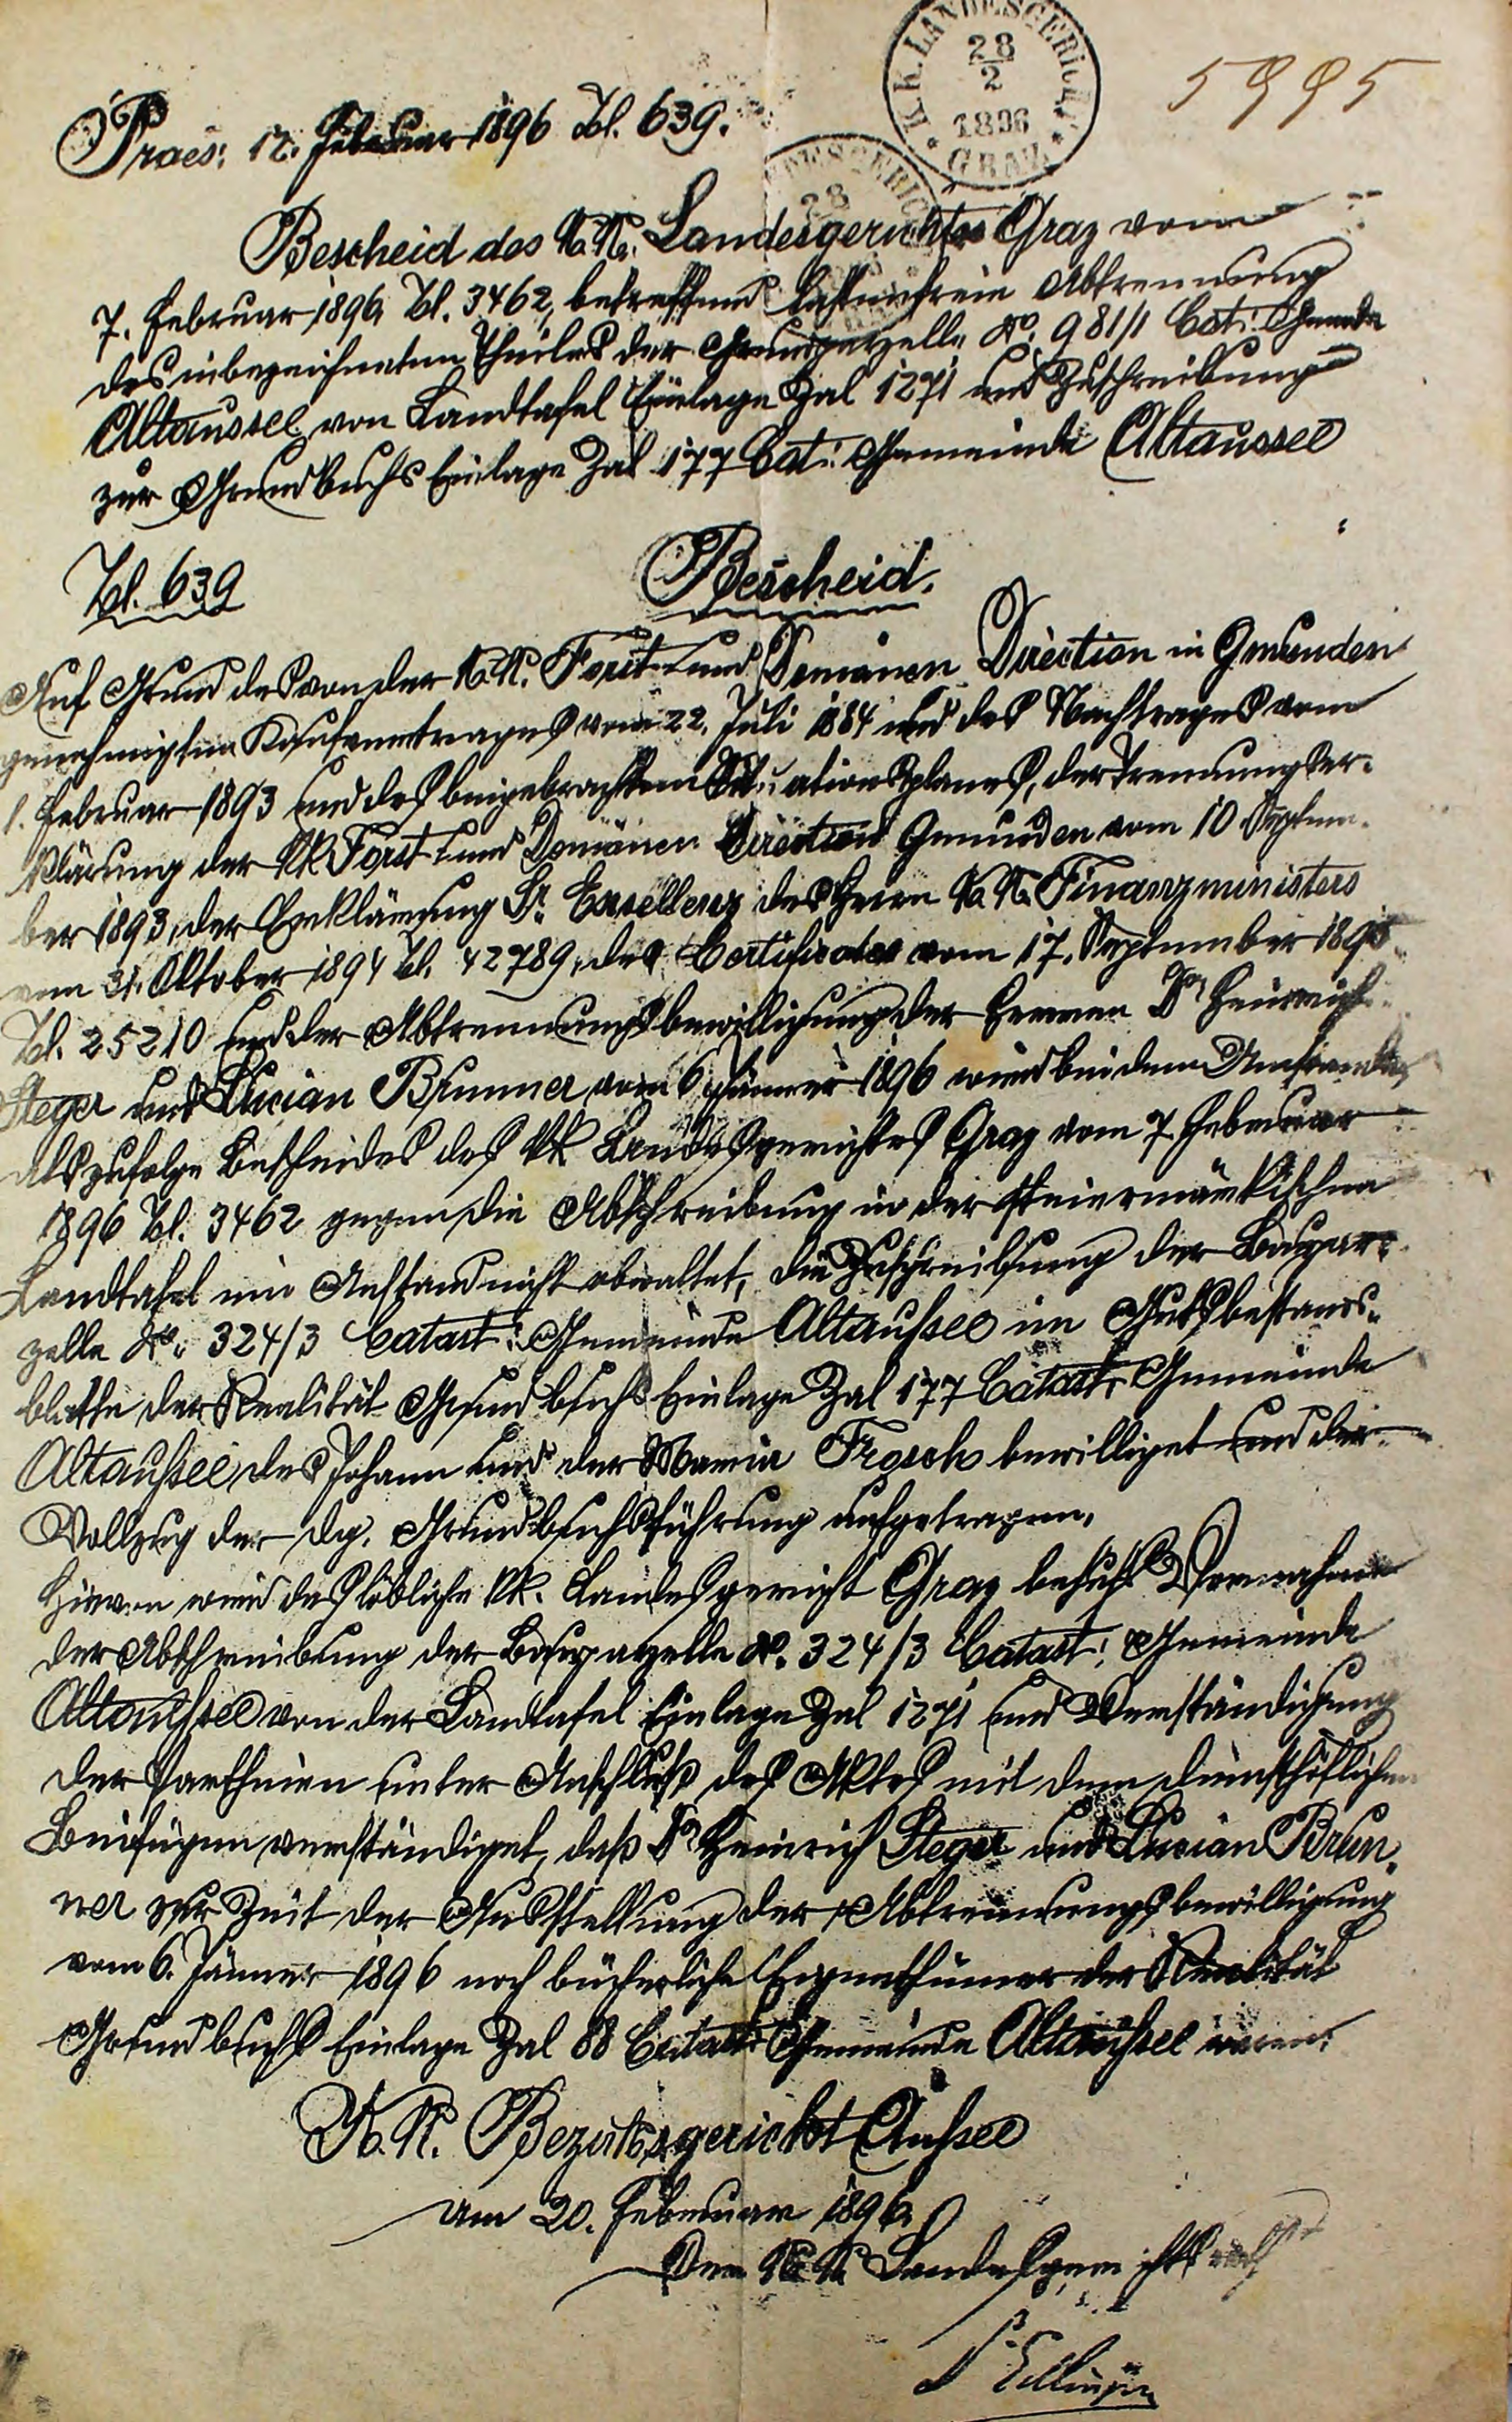5995
Praes: 12. Februar - 1896 Bl 639.
Bescheid des kk. Landesgerechtes Graz vom
7. Februar 1896 Bl. 3462, betreffend lastenfreie Abtrennung
des inbezeichneten Theiles der Grundparzelle No 981/1 Cat. Gende
Altaussee von Landtafel Einlage Zal 1271 und Zuschreibung
zur Grundbuchs Einlage Zal 177 Cat: Gemeinde Altaussee
Bescheid.
Bl. 639
Auf Grund des von der kk. Forst und Domänen Direction in Gmunden
genehmigten Kaufvertrages vom 22. Juli 1884 und des Nachtrages vom
1. Februar 1893 und des beigebrachten Situationsplanes, der Trennungser„
klärung der kk Forst und Domänen Direction Gmunden vom 10. Septem„
ber 1893, der Erklärung Sr Exsellenz des Herrn k.k. Finanzministers
vom 31. Oktober 1894 Bl. 42789, des Certificates vom 17. September 1895
Bl. 25210 und der Abtrennungsbewilligung der Hemmen Dr Heinrich
Steger und Lucian Brunner vom 6. Jänner 1896 würd bei dem Ums???
alszufolge Bescheides des kk Landesgerichtes Graz vom 7. Februar
1896 Bl. 3462 gegen die Abschreibung in der steiermämkischen
Landtafel ein Anstandnicht obwaltet, die Zuschreibung der Baupar„
zelle No 324/3 Catast: Gemeinde Altaussee im Gutsbestands„
blasse der Realität Grund Buchs Einlage Zal 177 Catastr Gemeinde
Altaussee des Johann und der Maria Frosch bewilliget und der
Vollzug der dg. Grundbuchsführung aufgetragen,
Hievon wird das löbliche kk. Landesgericht Graz behufs Vornahme
der Abschreibung der Bauparzelle No 324/3 Catast: Gemeinde
Altaussee von der Landtafel Einlage Zal 1271 und Verständigung
der Partheien unter Anschluss des Aktes mit dem Diensthöflichen
Beifügen verständiget, daß Dr Heinrich Steger und Lucian Brun„
ner zur Zeit der Ausstellung der Abtrennungsbewilligung
am 6. Jänner — 1896 noch bücherliche Eigenthumer der Realität
Grundbuchs Einlage Zal 88 Catast. Gemeinde Altaussee einem
k.k. Bezirksgericht Aussee
am 20. Februar 1896.
Der k.k Sandergerichtsrecht
S. Edlingen